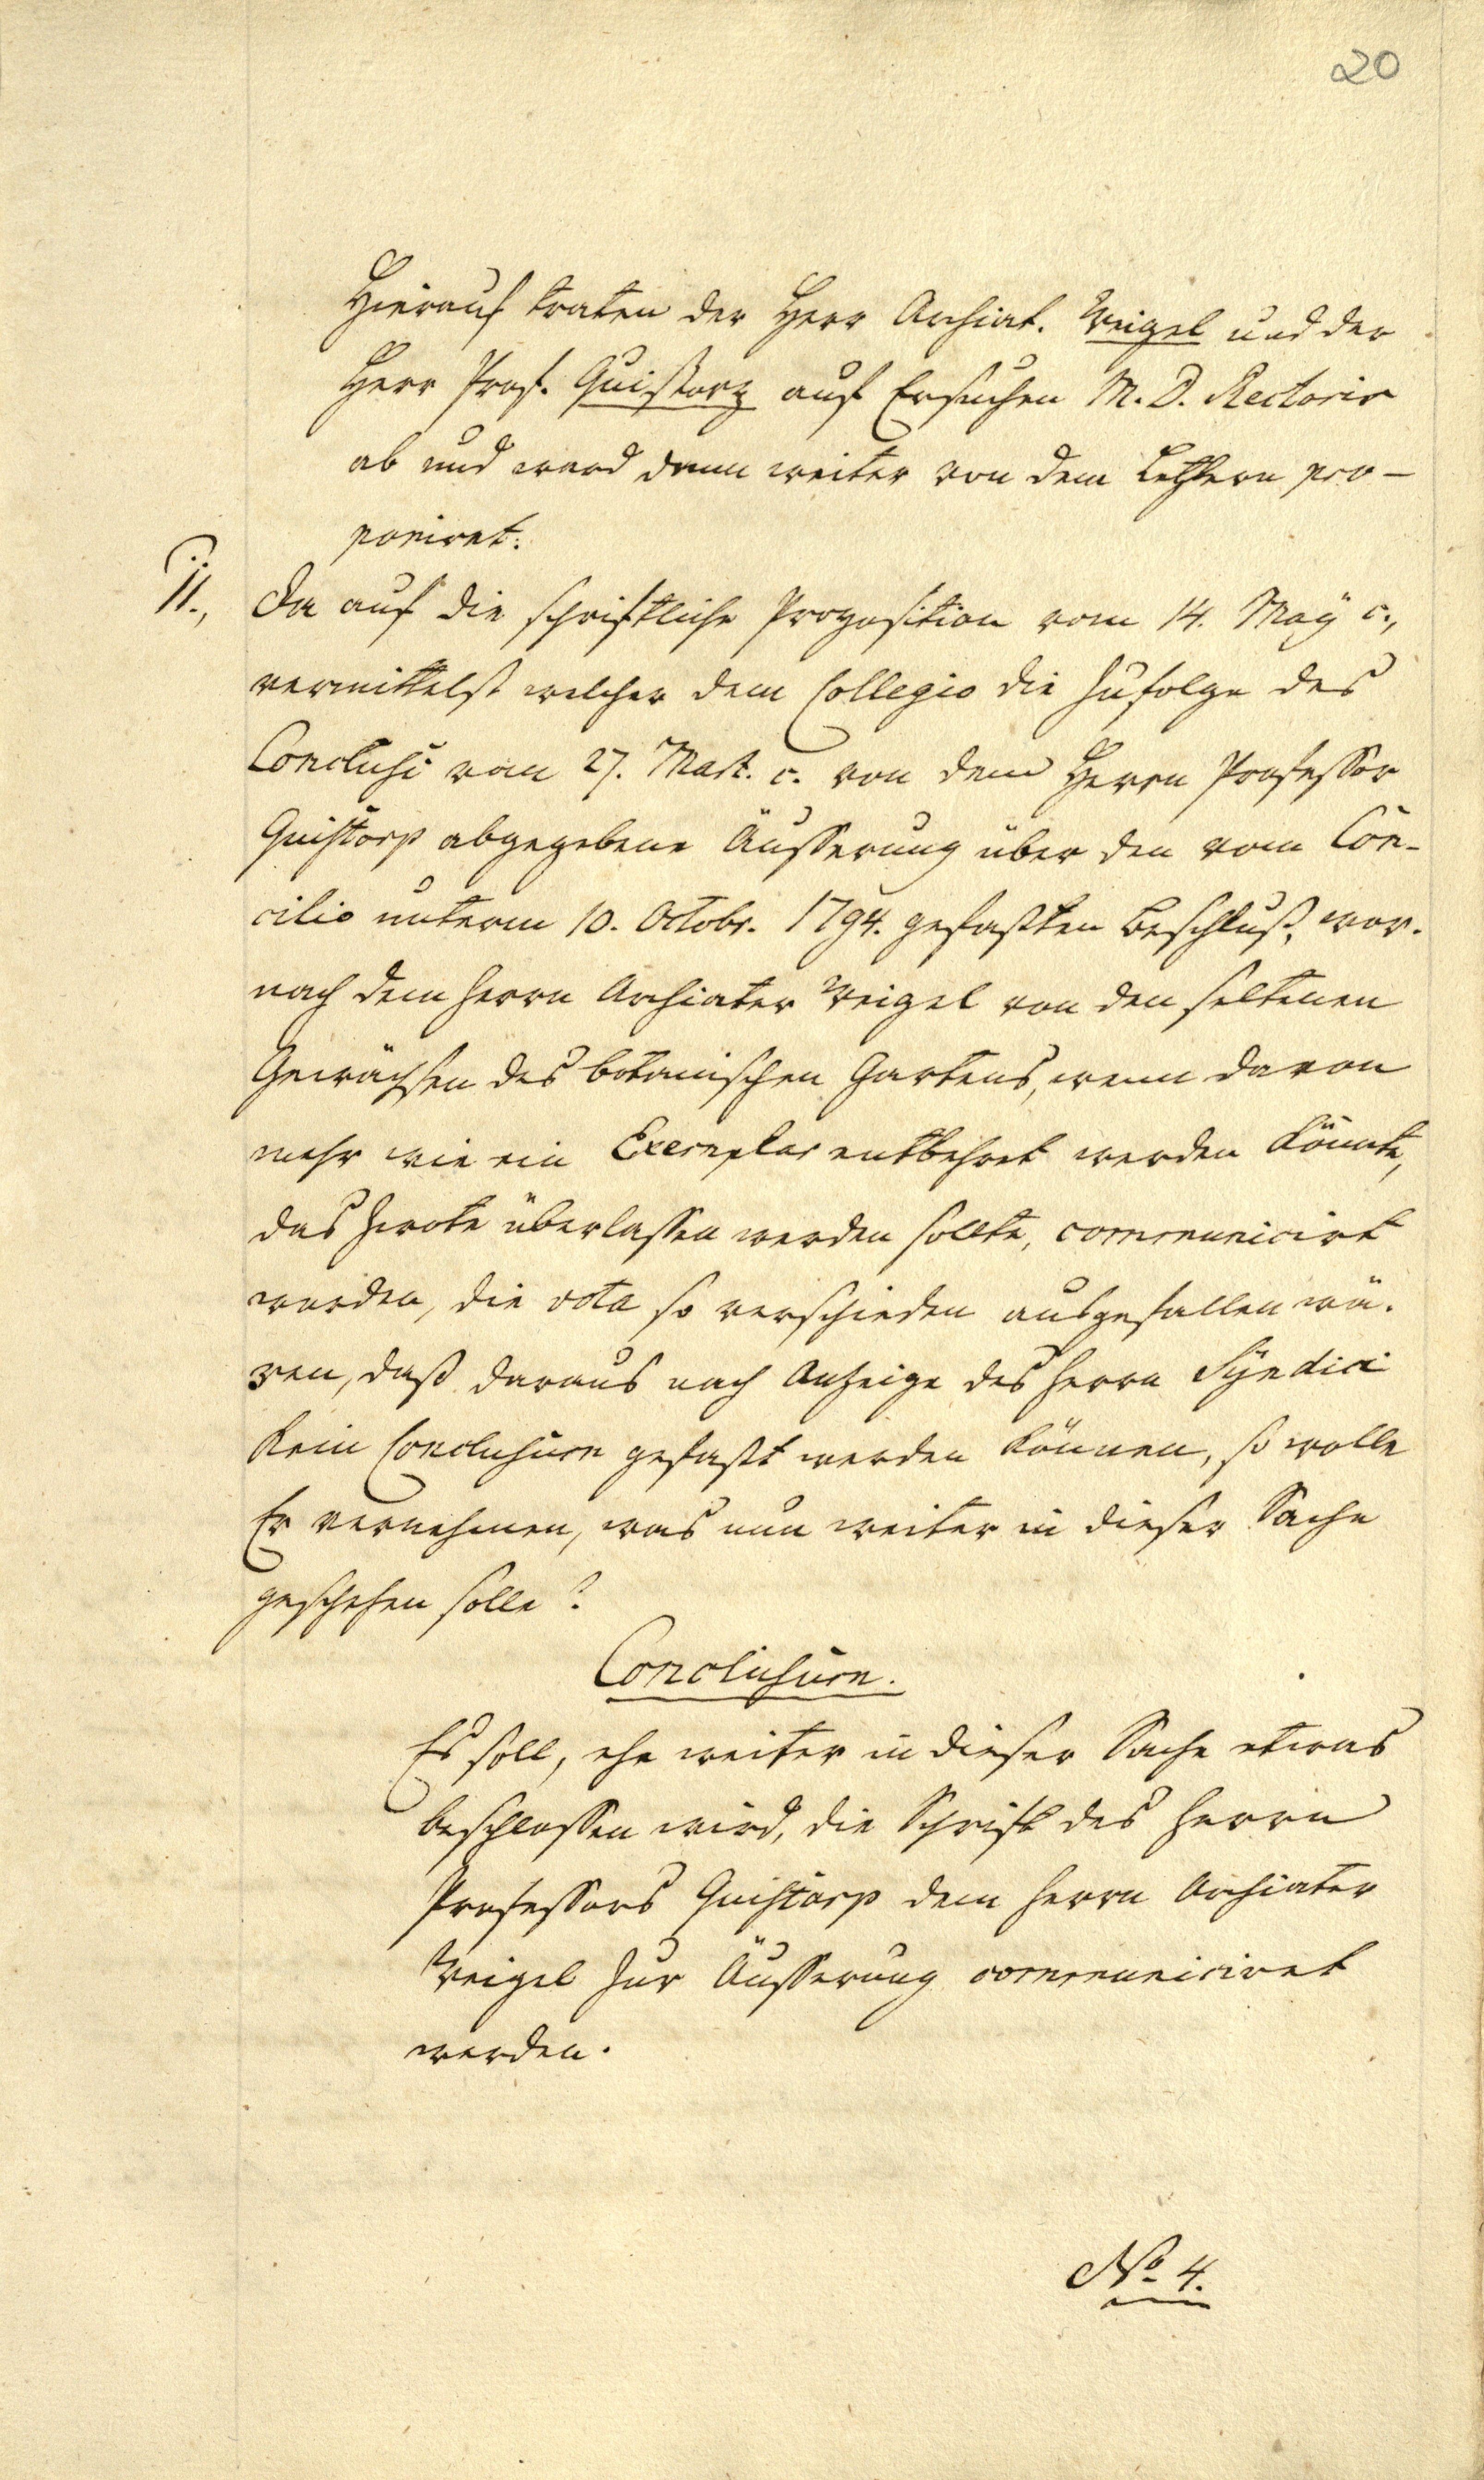Hierauf traten der Herr Archiat. Weigel und der
Herr Prof. Quistorp auf Ersuchen M. D. Rectoris
ab und ward dann weiter von dem Letztern pro¬
poniret.
11., Da auf die schriftliche Proposition vom 14. Maÿ c.,
vermittelst welcher dem Collegio die zufolge des
Conclusi vom 27. Mart. c. von dem Herrn Professor
Quistorp abgegebene Äusserung über den vom Con¬
cilio unterm 10. Octobr. 1794. gefaßten Beschluß, wor¬
nach dem herrn Archiater Weigel von den seltenen
Gewächsen des botanischen Gartens, wenn davon
mehr wie ein Exemplar entbehret werden könnte,
das zwote überlassen werden sollte, communicirt
wurden, die vota so verschieden ausgefallen wä¬
ren, daß daraus nach Anzeige des herrn Sÿndici
kein Conclusum gefaßt werden können, so wolle
Er vernehmen, was nun weiter in dieser Sache
geschehen solle?
Conclusum
Es soll, ehe weiter in dieser Sache etwas
beschlossen wird, die Schrift des herrn
Professors Quistorp dem herrn Archiater
Weigel zur Äusserung communiciret
werden.
Nº 4.